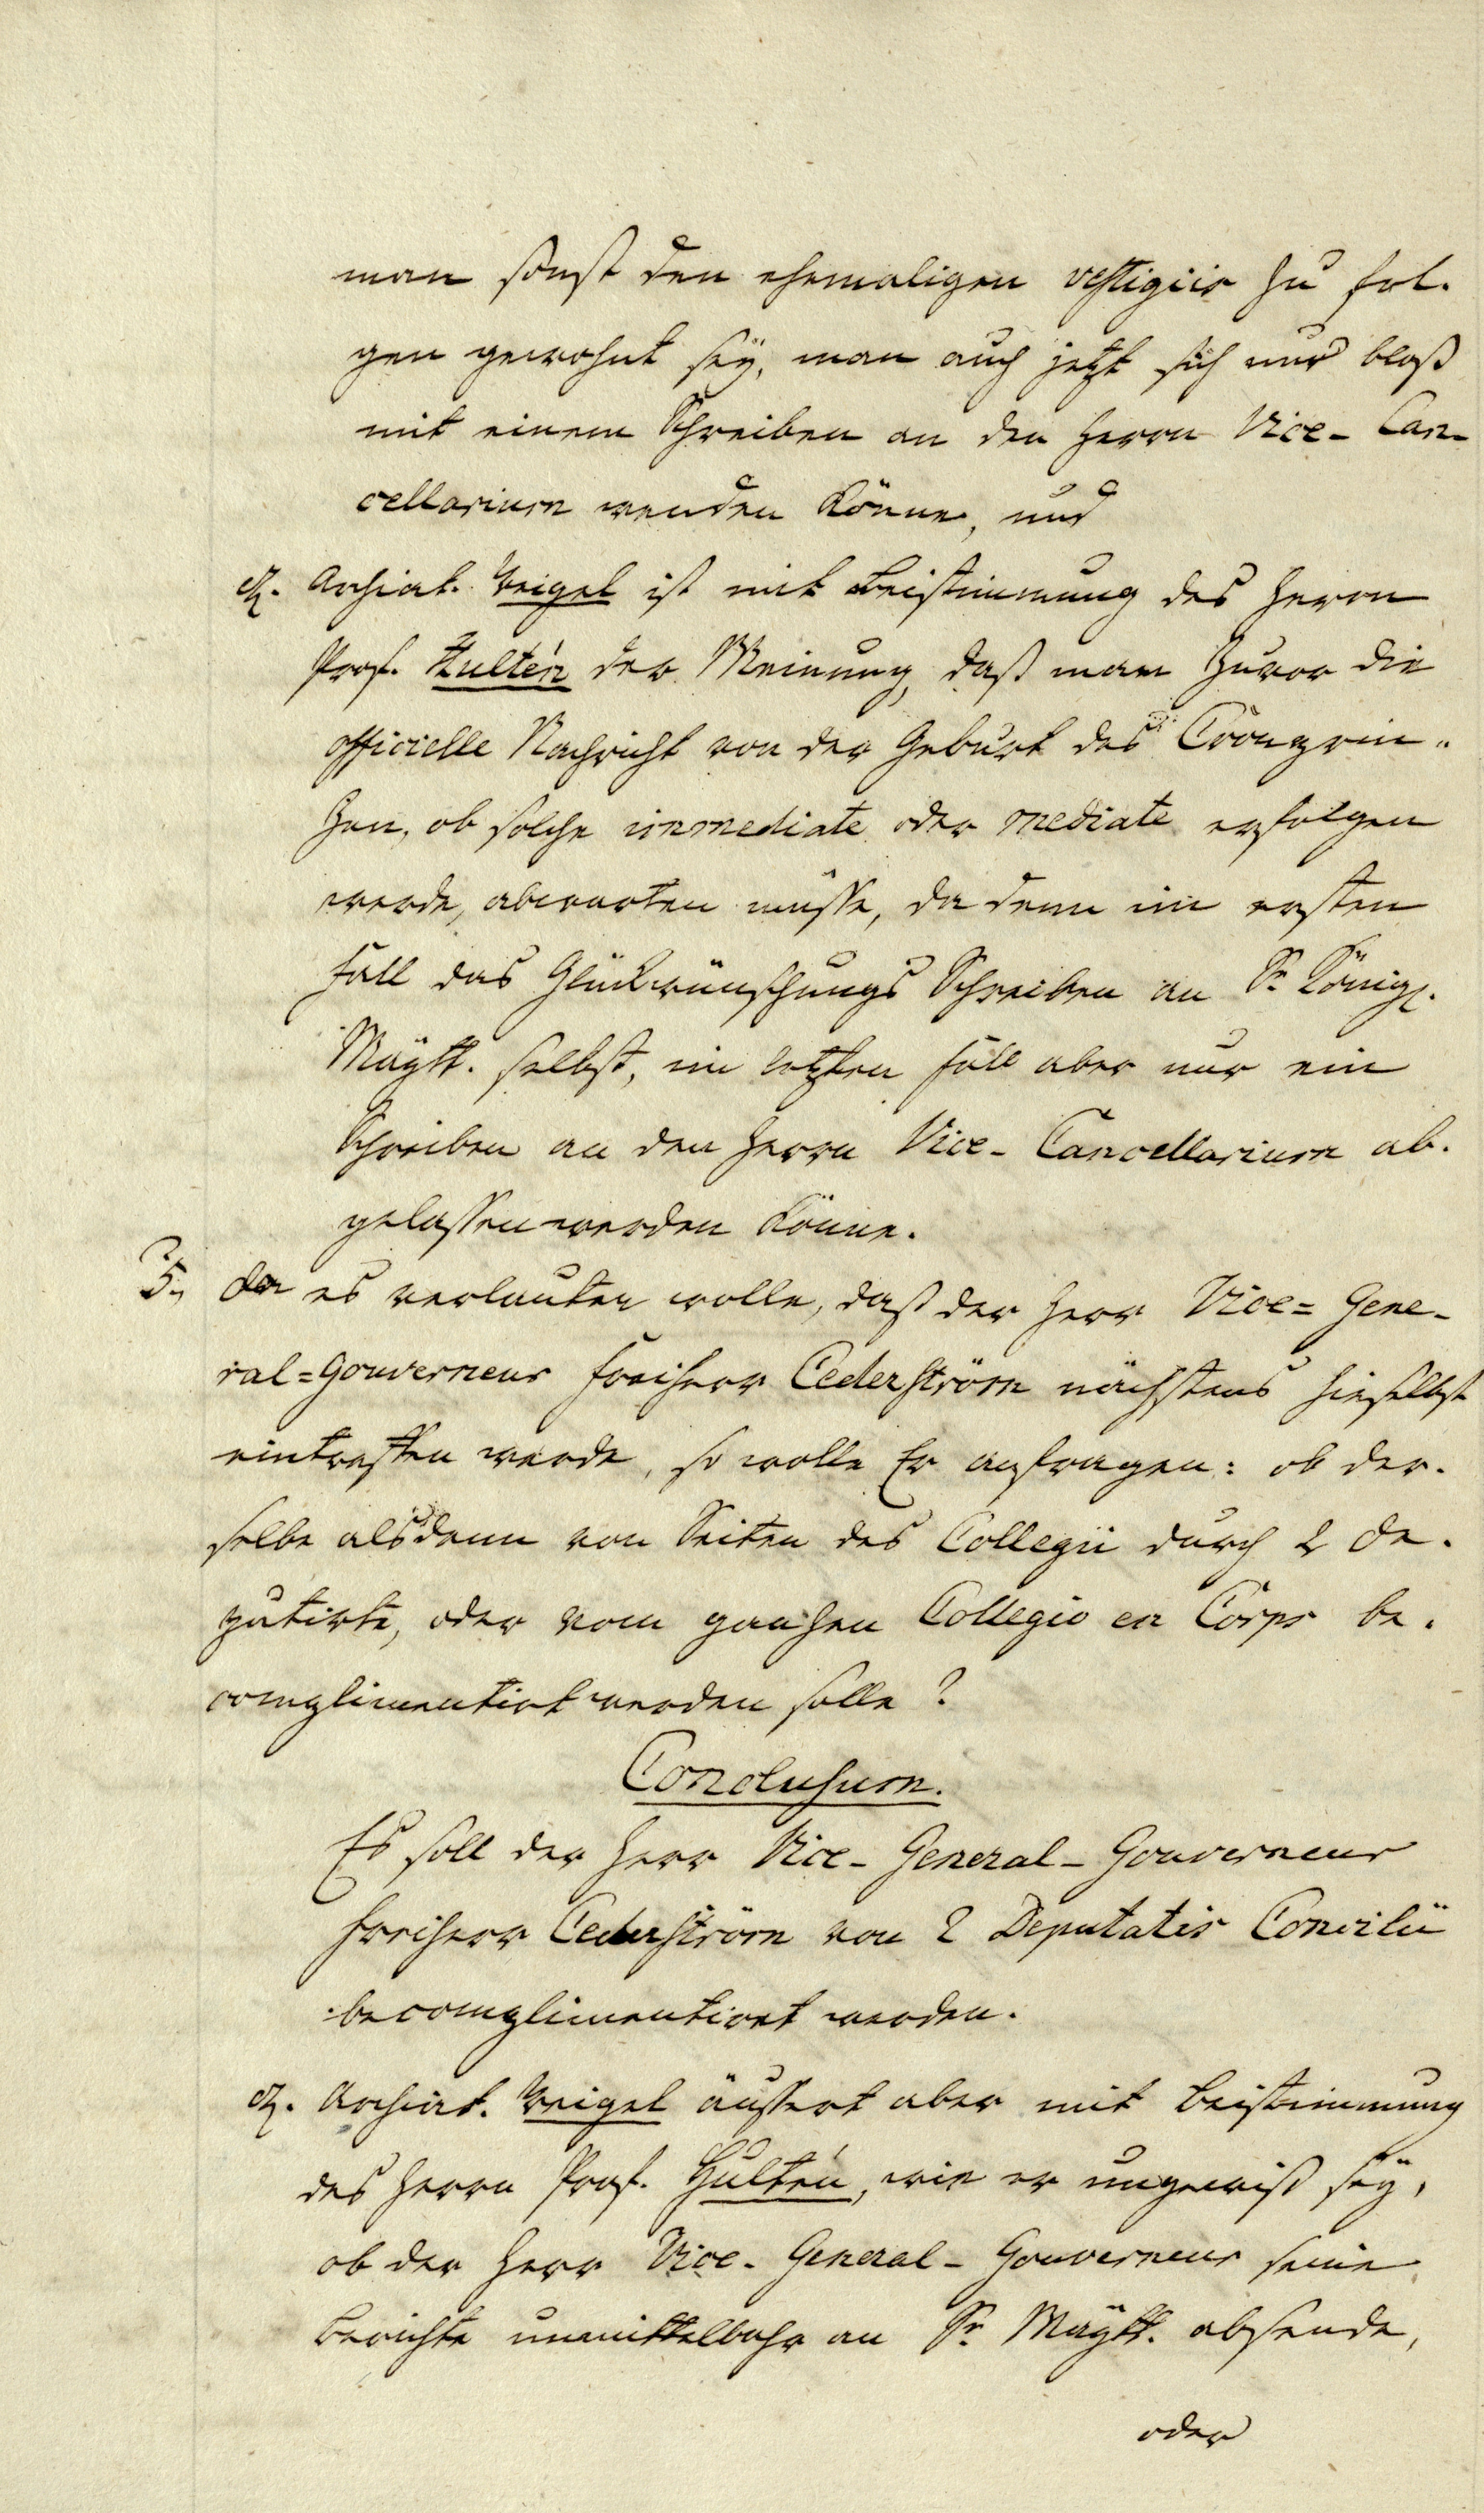man sonst den ehemaligen vestigiis zu fol¬
gen gewohnt seÿ, man auch jetzt sich nur bloß
mit einem Schreiben an den Herrn Vice-Can¬
cellarium wenden könne, und
dh. Archiat. Weigel ist mit Beistimmung des Herrn
Prof. Hultén der Meinung, daß man zuvor die
officielle Nachricht von der Geburt des Cronprin¬
zen, ob solche immediate oder mediate erfolgen
werde, abwarten müsse, da denn im ersten
Fall das Glükwünschungs Schreiben an Sr Königl.
Maÿtt. selbst, im letzten Fall aber nur ein
Schreiben an den Herrn Vice- Cancellarium ab¬
gelassen werden könne.
5., da es verlauten wolle, daß der Herr Vice Gene¬
ral Gouverneur Freiherr Cederström nächstens hieselbst
eintreffen werde, so wolle Er anfragen: ob der¬
selbe alsdenn von Seiten des Collegii durch 2 De¬
putirte, oder vom ganzen Collegio en Corps be¬
complimentirt werden solle?
Conclusum.
Es soll der Herr Vice- General- Gouverneur
Freiherr Cederström von 2 Deputatis Concilii
becomplimentiret werden.
dh. Archiat. Weigel äussert aber mit Bestimmung
des Herrn Prof. Hultén, wie er ungewiß seÿ,
ob der Herr Vice- General- Gouverneur seine
Berichte ummittelbahr an Sr Maÿtt. absende,
oder